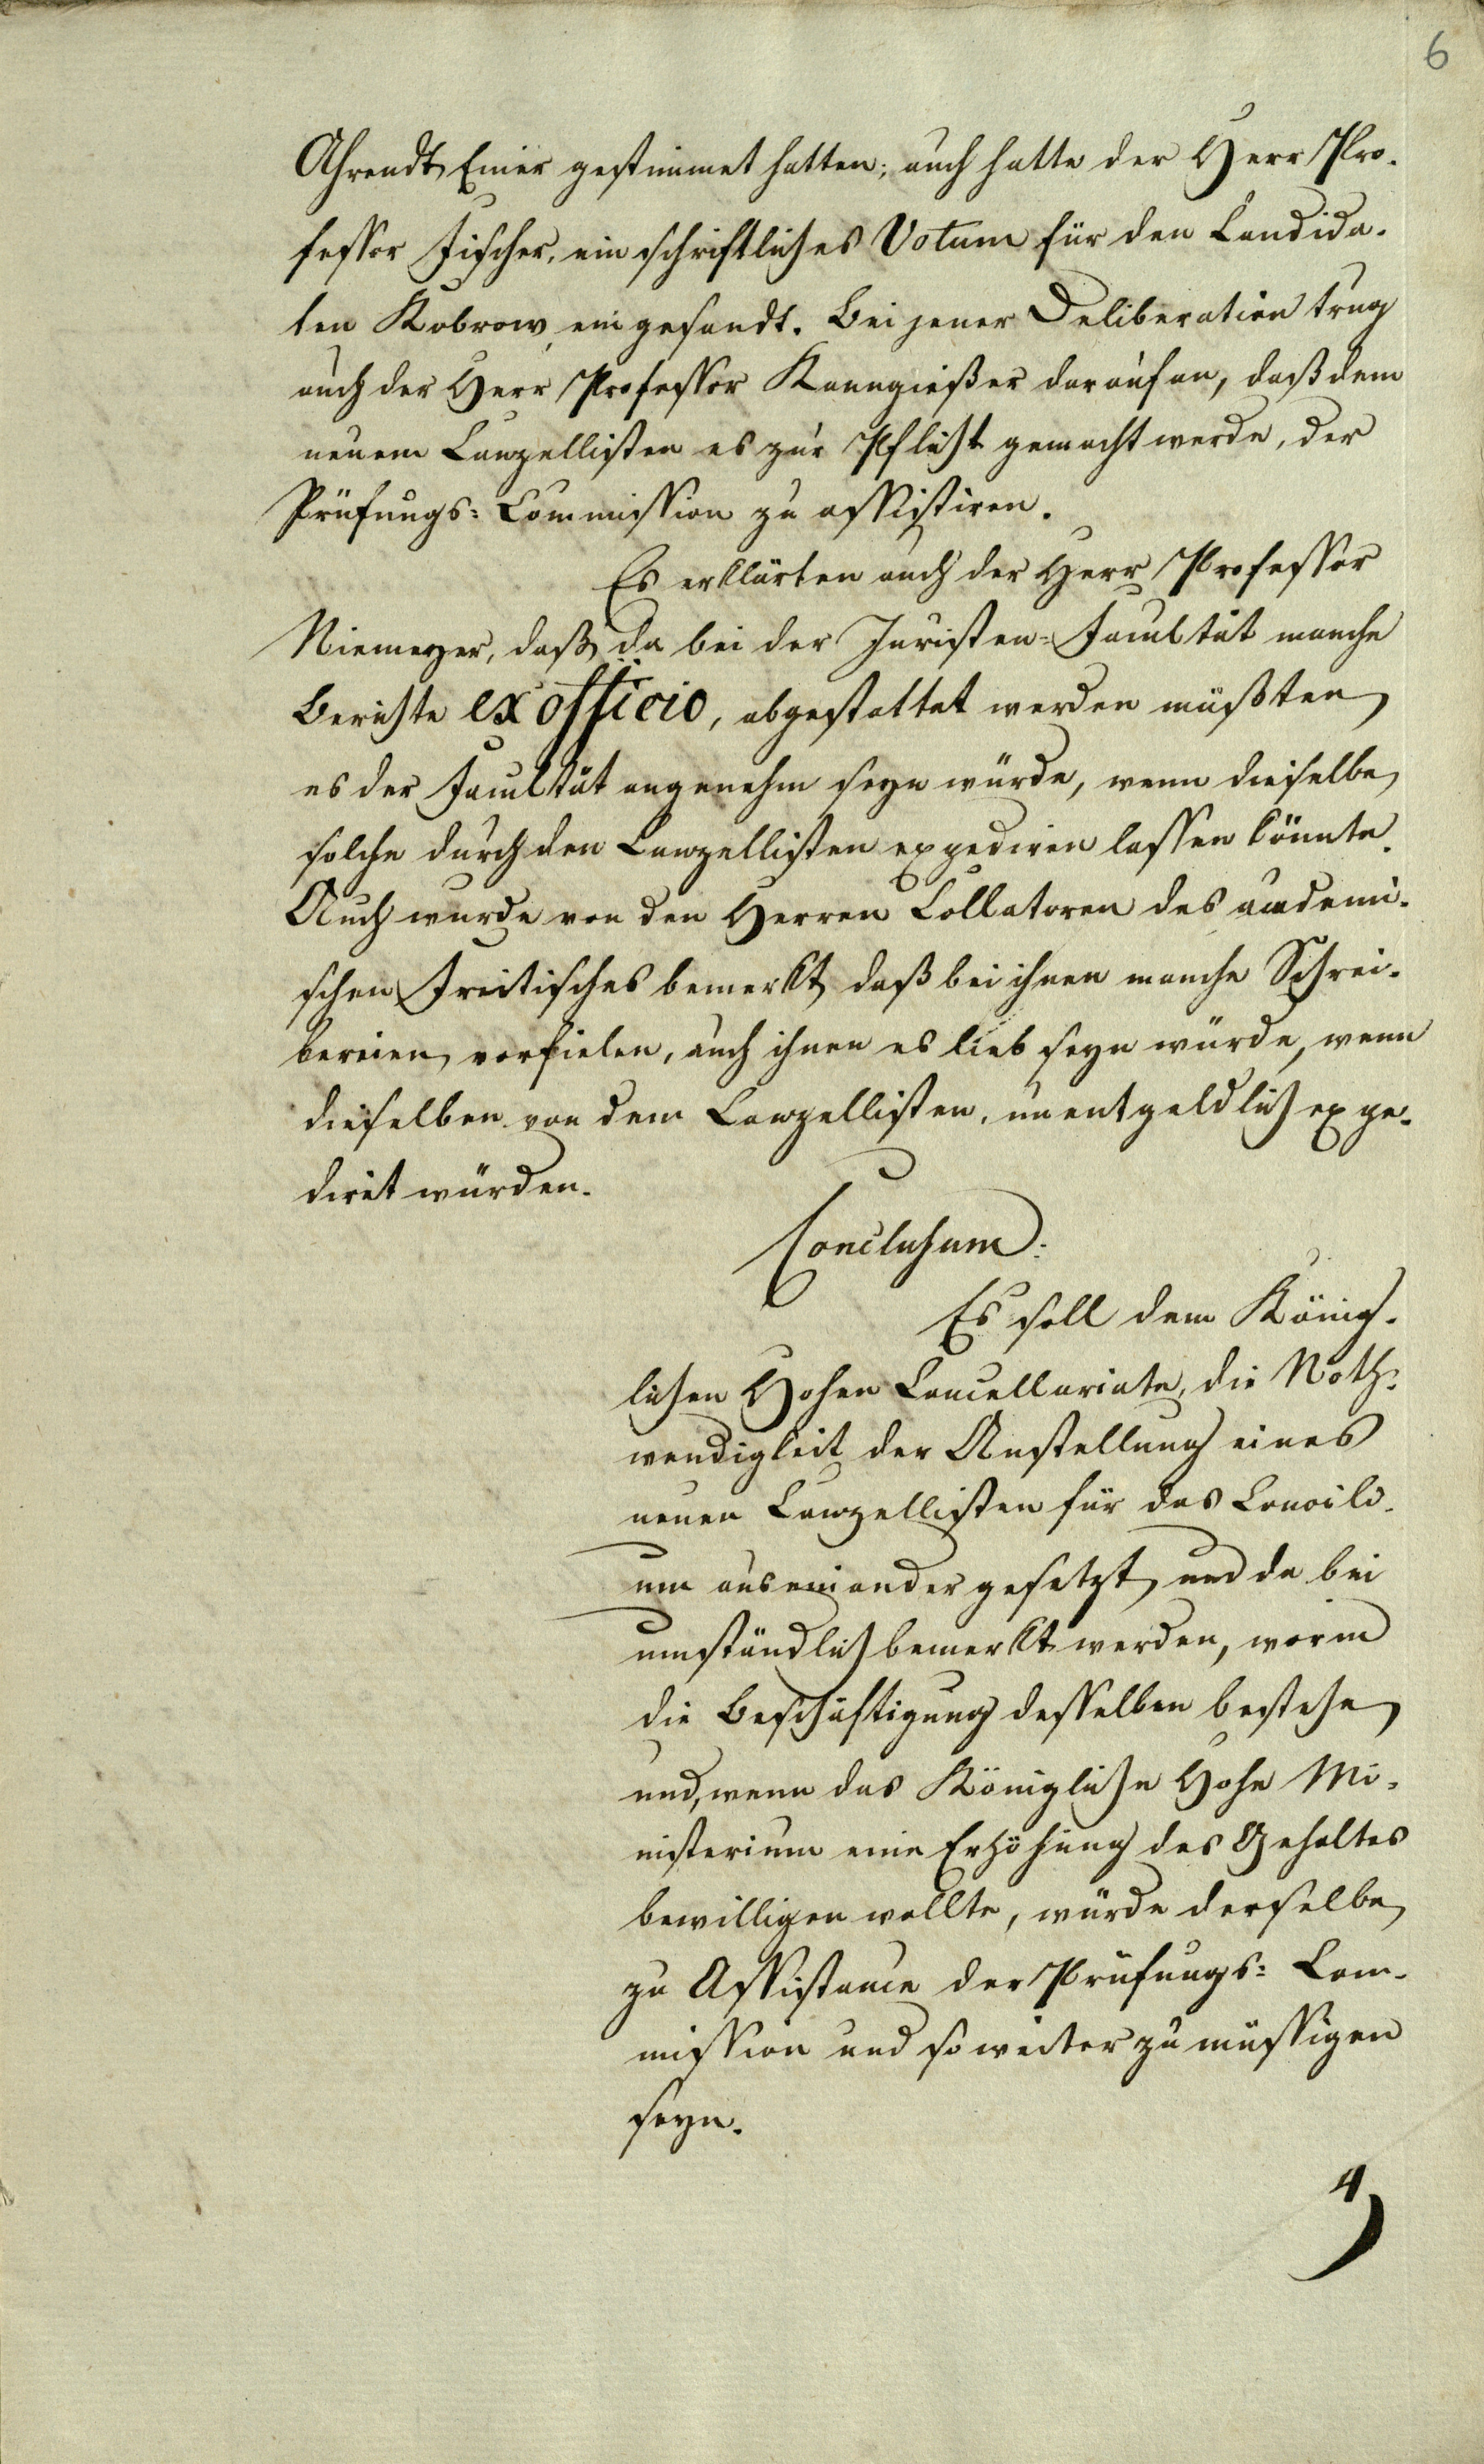Ahrendt Einer gestimmt hatten; auch hatte der Herr Prof¬
fessor Fischer, ein schriftliches Votum für den Candida¬
ten Kobrow eingesandt. Bei jener Deliberation trug
auch der Herr Professor Kanngießer darauf an, daß dem
neuen Canzellisten es zur Pflicht gemacht werde, der
Prüfungs-Commission zu assistiren.
Es erklärten auch der Herr Professor
Niemeyer, daß da bei derJuristen-Facultät manche
Berichte ex officio, abgestattet werden müßten,
es der Facultät angenehm seyn würde, wenn dieselbe
solche durch den Canzellisten expediren lassen könnte.
Auch wurde von den Herren Collatoren des academi¬
schen Freitisches bemerkt, daß bei ihnen manche Schrei¬
bereien vorfielen, auch ihnen es lieb seyn würde, wenn
dieselben von dem Canzellisten, unentgeldlich expe¬
diret würden.
Conclusum:
Es soll dem König¬
lichen Hohen Cancellariate, die Noth¬
wendigkeit der Anstellung eines
neuen Canzellisten für das Concili¬
um auseinander gesetzt und dabei
umständlich bemerkt werden, worin
die Beschäftigung desselben bestehe
und, wenn das Königliche Hohe Mi¬
nisterium eine Erhöhung des Gehaltes
bewilligen wollte, würde derselbe,
zu Assistence der Prüfungs-Com¬
mission und so weiter zu müssigen
seyn.